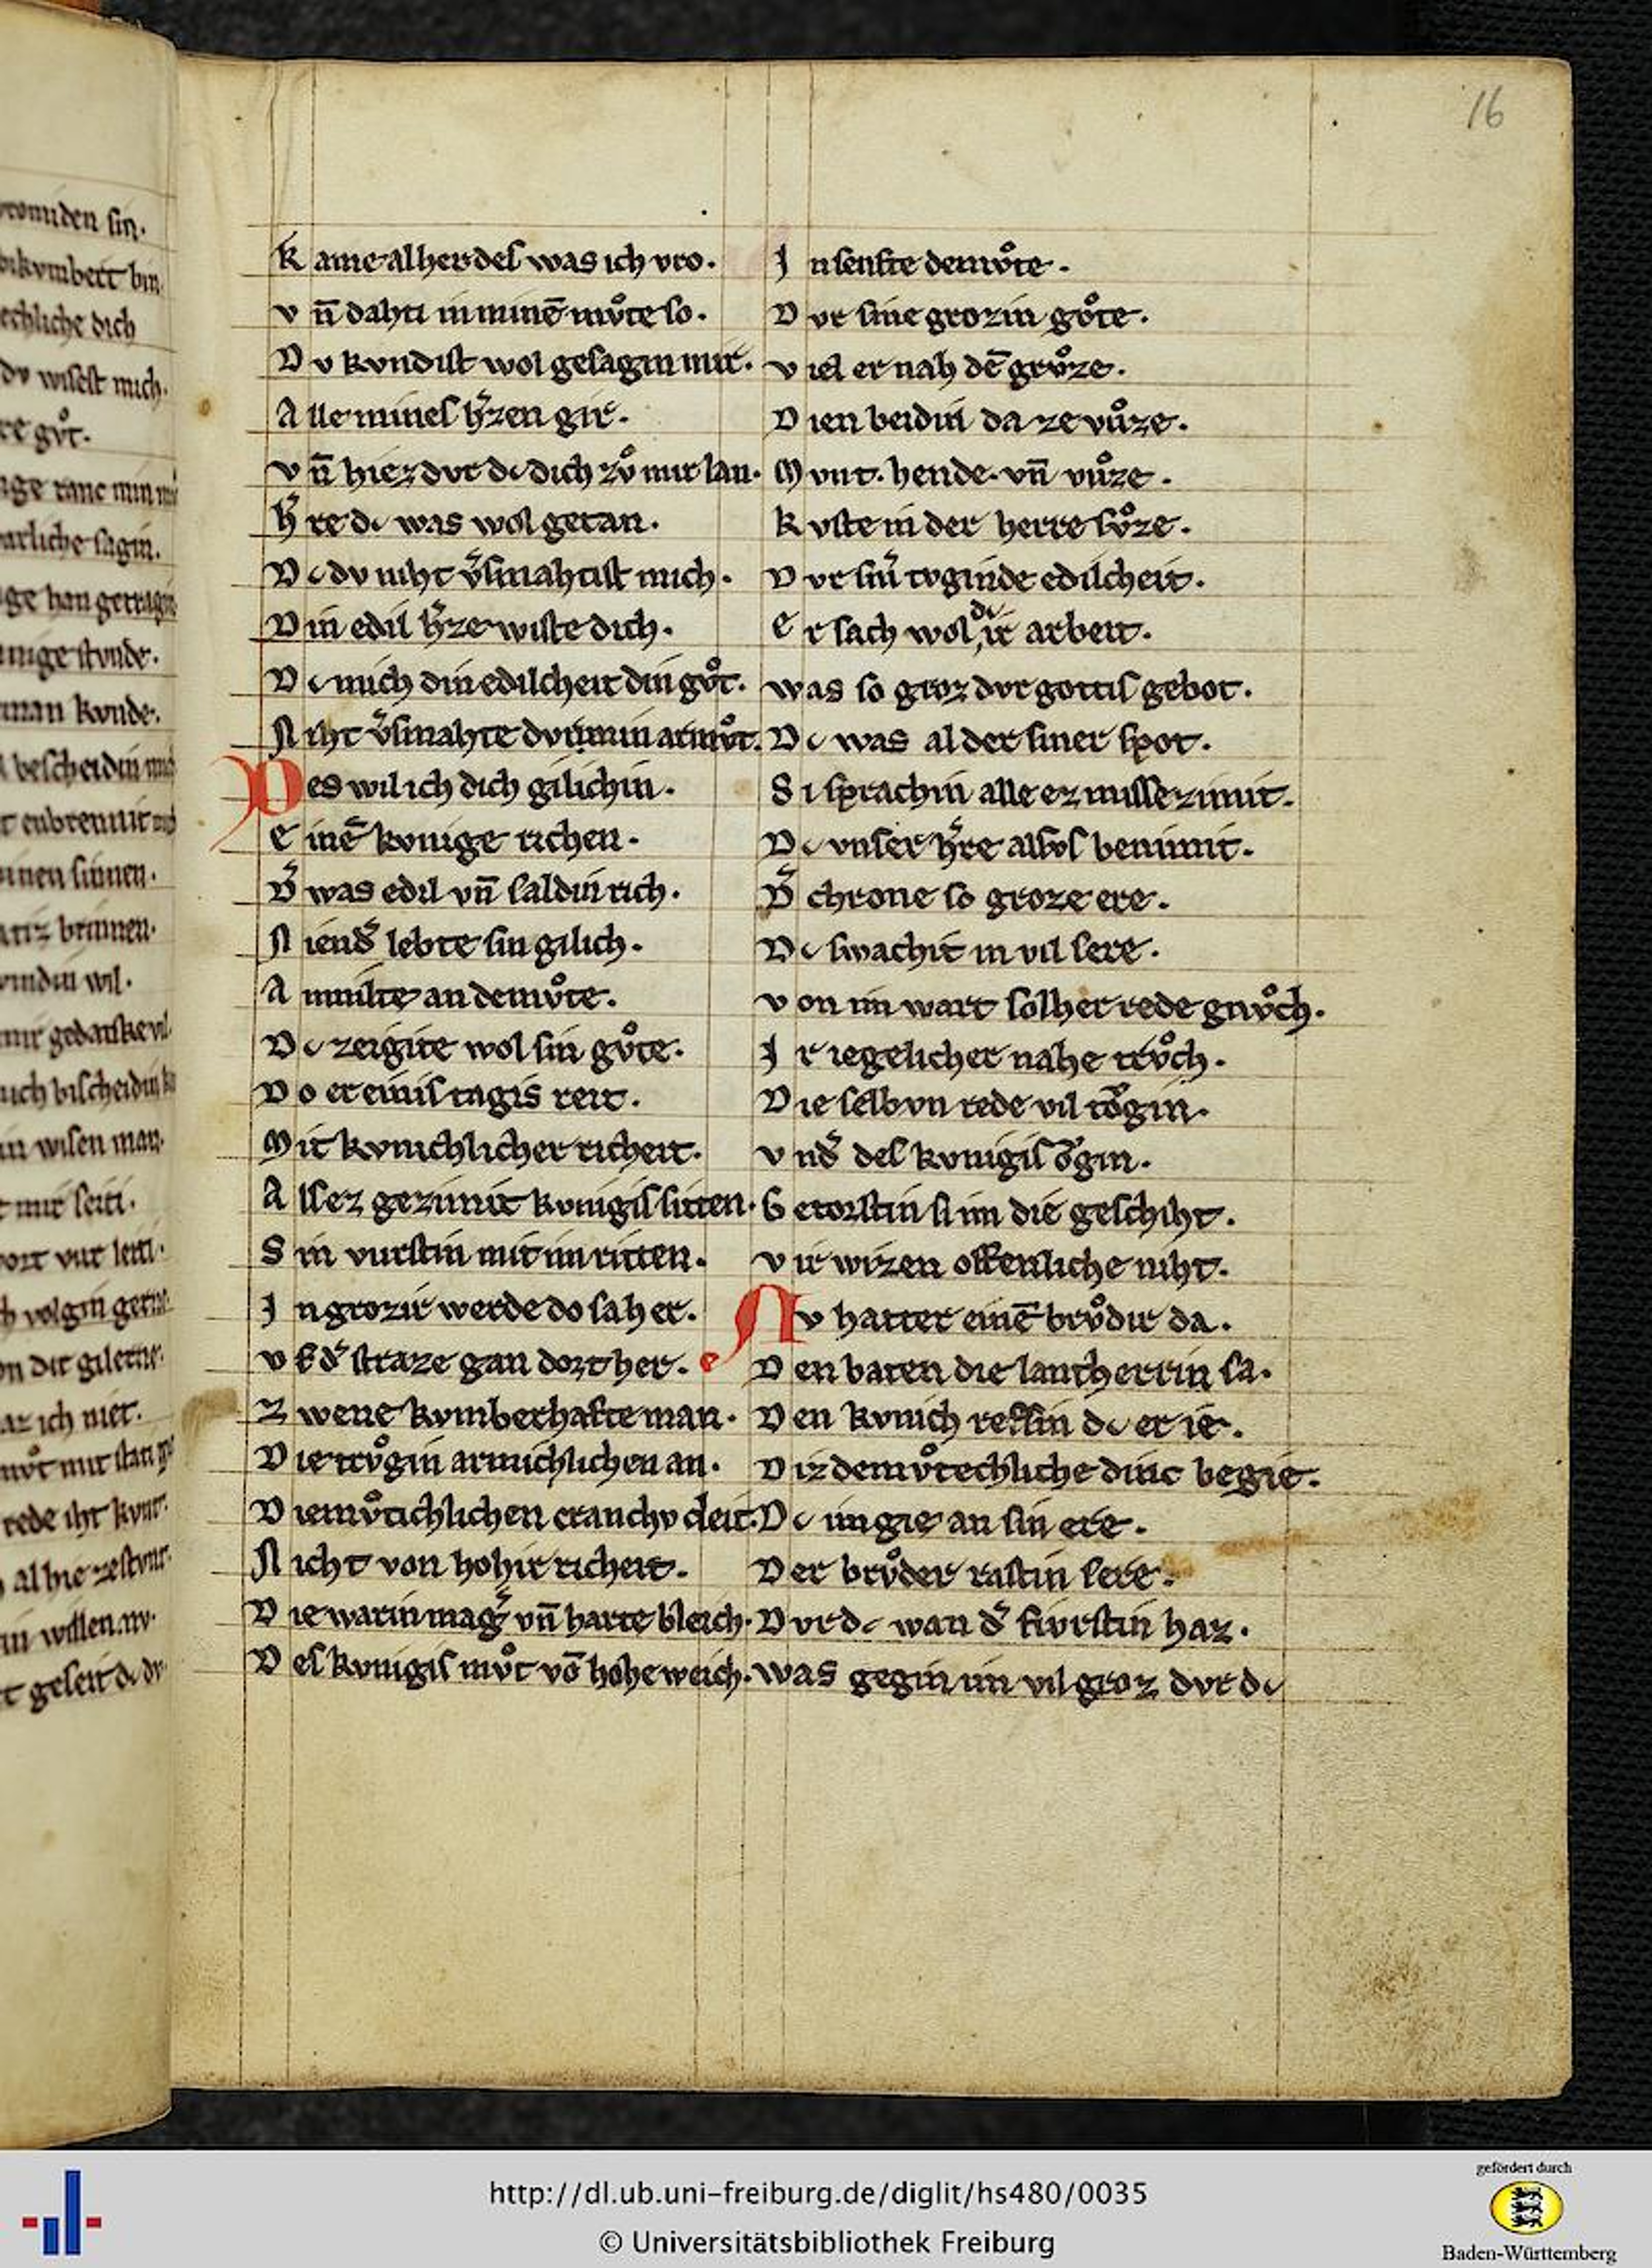Kame alherdeſ was ich vro.
Vn(d) dahti in mine(m) mv°ote ſo.
Dv kvndiſt wol geſagin mir.
Alle mineſ h(er)zen gir.
Vn(d) hiez dvr d(az) dich zv°o mir lan.
H(er)re d(az) was wol getan.
D(az) dv niht v(er)ſmahtiſt mich.
Din edil h(er)ze wiſte dich.
D(az) mich din edilcheit din gv°ot.
Niht v(er)ſmahte dvr?min armv°ot.
*Des wil ich dich gilichin.
Eine(m) kvnige richen.
D(er) was edil vn(d) ſaldin rich.
Niend(er) lebte ſin gilich.
Anmilte an demv°ote.
D(az) zeigite wol ſin gv°ote.
Do er einiſ tagiſ reit.
Mit kvnichlicher richeit.
Alſez gezimit kvnigiſ ſitten.
Sin vurſtin mit im ritten.
In grozir werde do ſah er.
Vf d(er) ſtraze ganz dort her.
Zwene kvmberhafte man.
Die trv°ogin armichlichen an.
Diemv°otichlichen cranchv cleit.
Nicht von hohir richeit.
Die warin mag(er) vn(d) harte bleich.
Deſ kvnigiſ mv°ot vo(n) hohe weich.
In ſenfte demv°ote.
Dvr ſine grozin gv°ote.
Viel er nah de(m) grv°oze.
Dien beidin da ze vu°oze.
Mvnt. hende. vn(d) vu°oze.
Kvſte in der herre ſv°oze.
Dvr ſin(er) tvginde edilcheit.
Er ſach wol °(d(az)) ir arbeit.
Was ſo groz dvr gottiſ gebot.
D(az) was al der ſiner ſpot.
Si ſprachin alle ez miſſezimit.
D(az) vnſer h(er)re alſvſ benimit.
D(er) chrone ſo groze ere.
D(az) ſwachit in vil ſere.
Von im wart ſolher rede gnv°och.
Ir iegelicher nahe trv°och.
Die ſelbvn rede vil to°vgin.
Vnd(er) deſ kvnigiſ o°vgin.
Getorſtin ſi im die geſchiht.
Vir wizen offenliche niht.
*Nv hatter eine(n) brv°odir da.
Den baten di lantherrin ſa.
Den kvnich refſin d(az) er ie.
Diz dem v°otechliche dinc begie.
D(az) im gie an ſin ere.
Der brv°oder raſtin ſere.
Dvr d(az) wan d(er) fivrſtin haz.
Was gegin im vil groz dvr d(az)